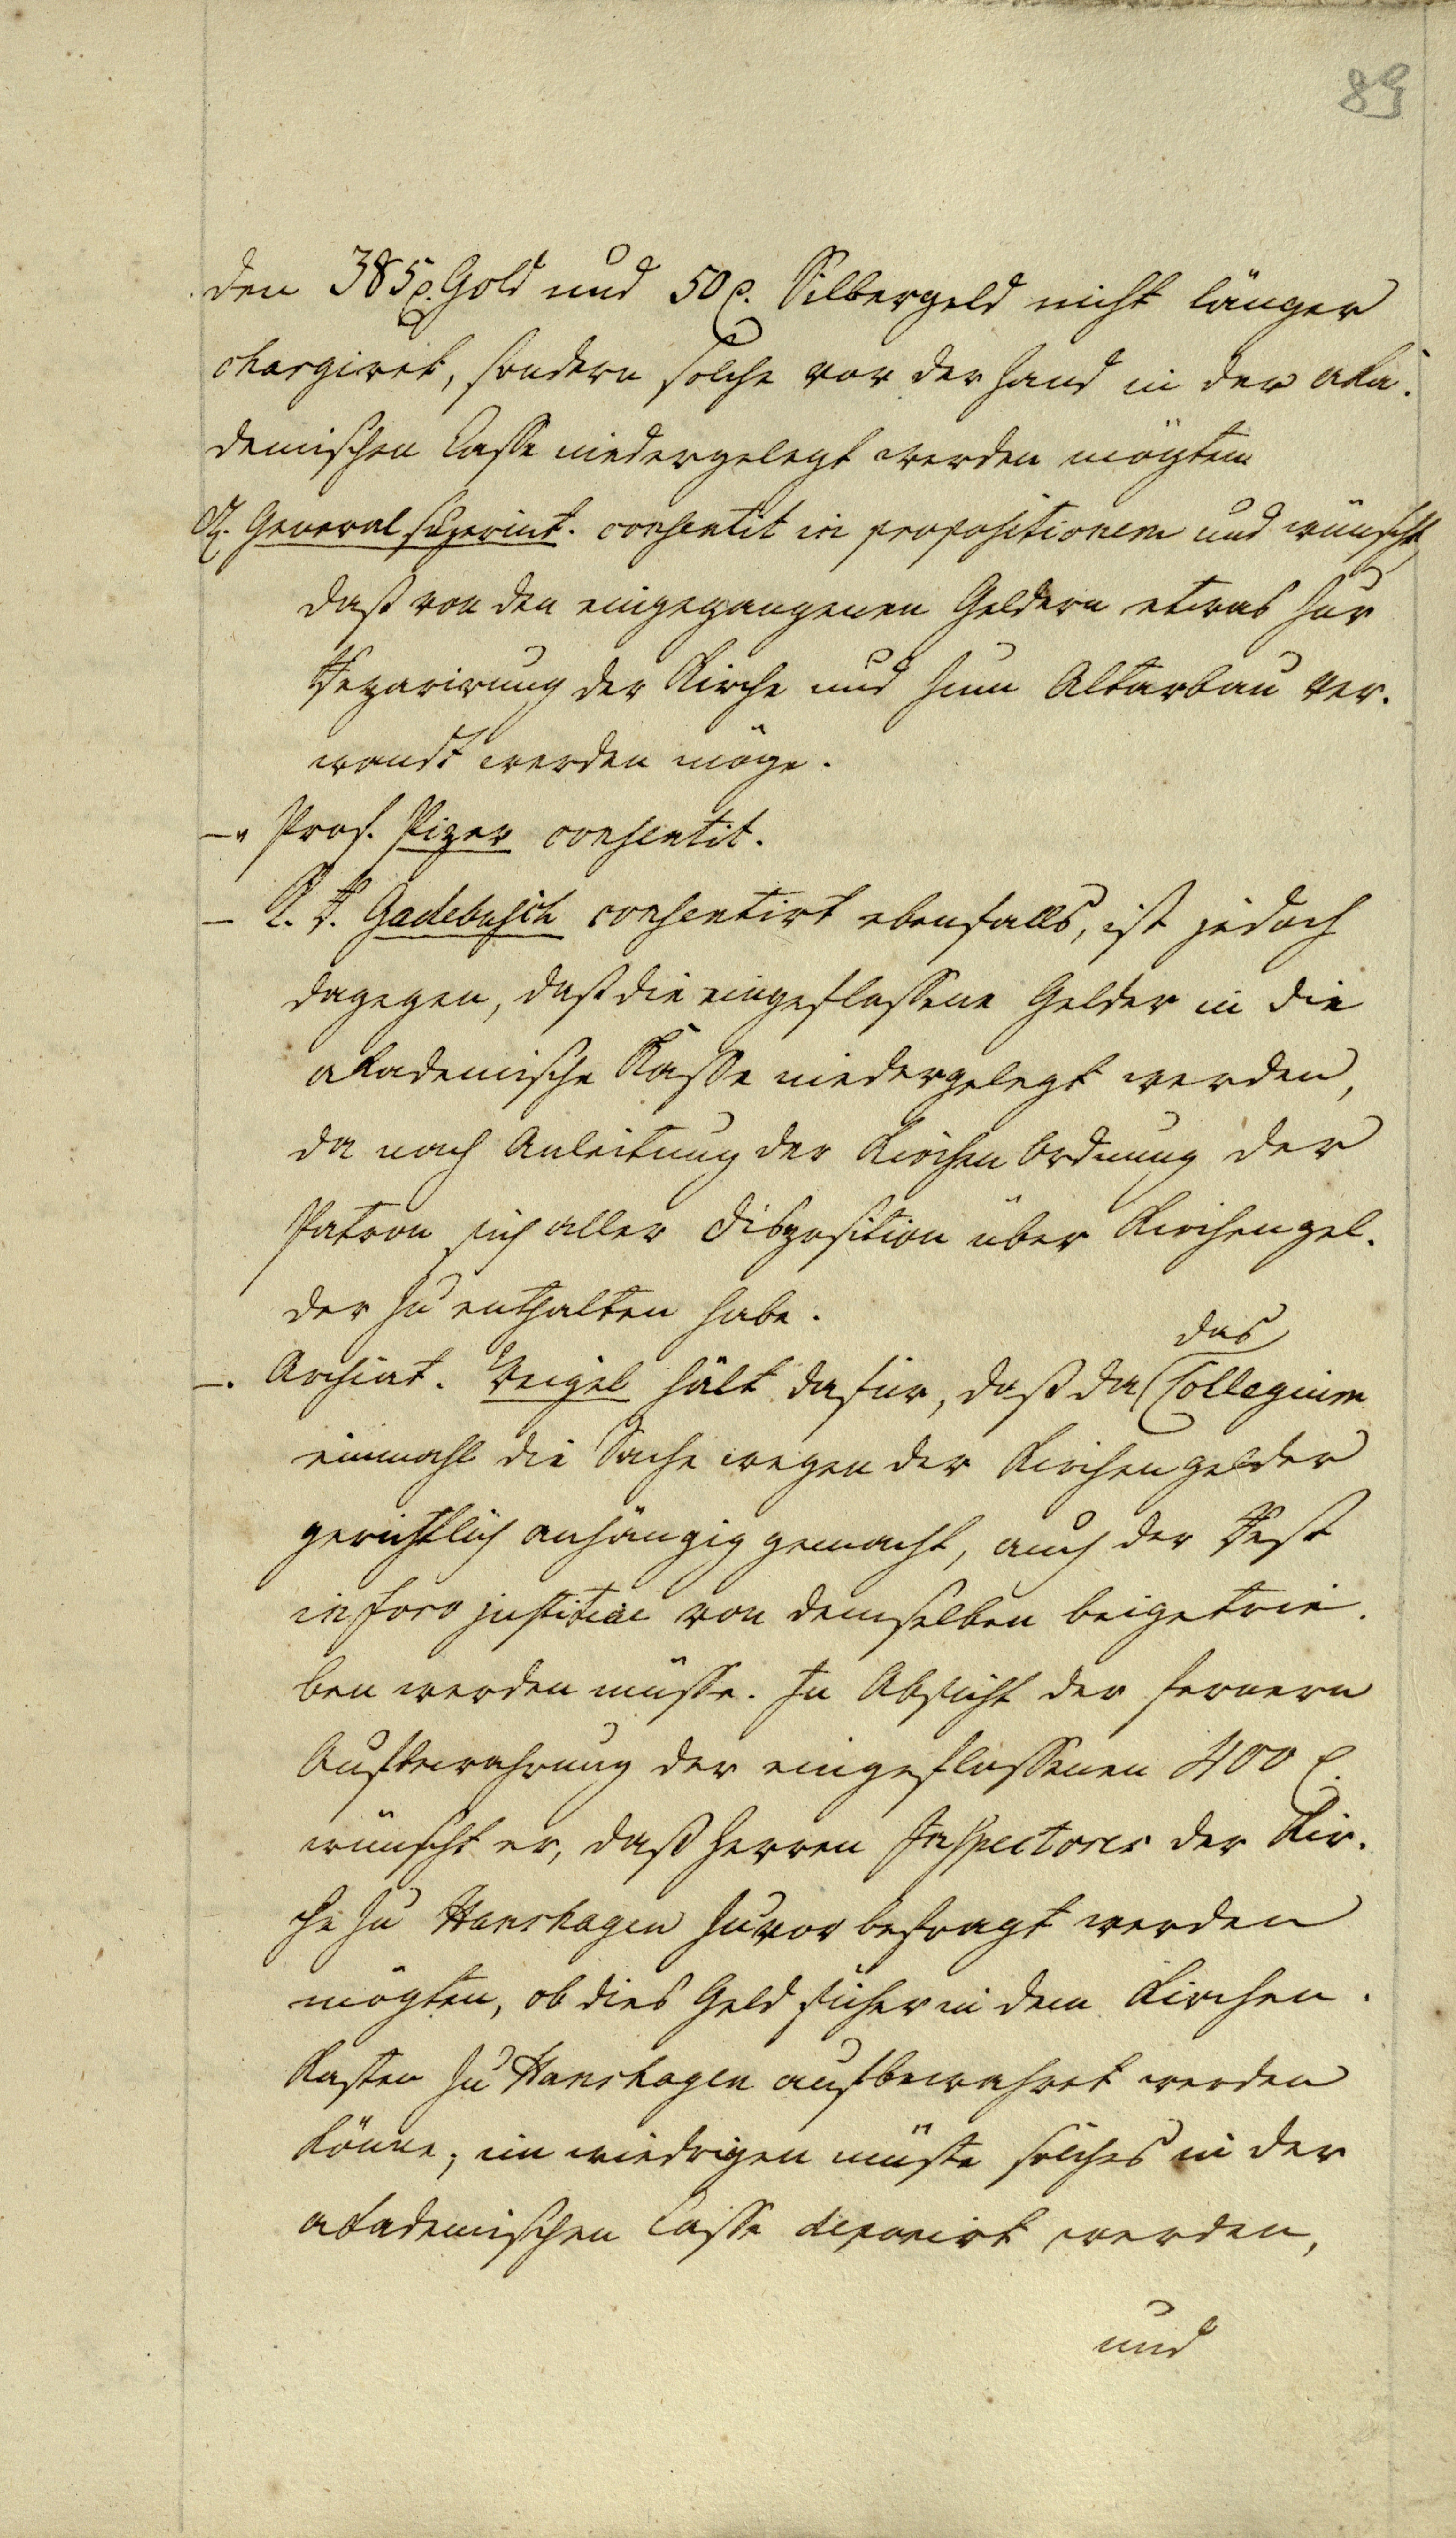den 385 l. Gold und 50 l. Silbergeld nicht länger
chargiret, sondern solche vor der Hand in der aka¬
demischen Casse niedergelegt werden mögten.
dh. Generalsuperint. consentit in propositionem und wünscht,
daß von den eingegangenen Geldern etwas zur
Reparirung der Kirche und zum Altarbau ver¬
wandt werden möge.
Prof. Piper consentit.
K.R. Gadebusch consentirt ebenfalls, ist jedoch
dagegen, daß die eingeflossene Gelder in die
akademische Casse niedergelegt werden,
da nach Anleitung der Kirchenordnung der
Patron sich aller Disposition über Kichengel¬
der zu enthalten habe.
das
Archiat. Weigel hält dafür, daß da Collegium
einmahl die Sache wegen der Kirchengelder
gerichtlich anhängig gemacht, auch der Rest
inforo justitiae von demselben beigetrie¬
ben werden müsse. In Absicht der fernern
Aufbewahrung der eingeflossenen 400 l.
wünscht er, daß Herren Inspectores der Kir¬
che zu Hanshagen zuvor befragt werden
mögten, ob dies Geld sicher in dem Kirchen¬
kasten zu Hanshagen aufbewahret werden
könne, im wiedrigen müßte solches in der
akademischen Casse deponirt werden,
und